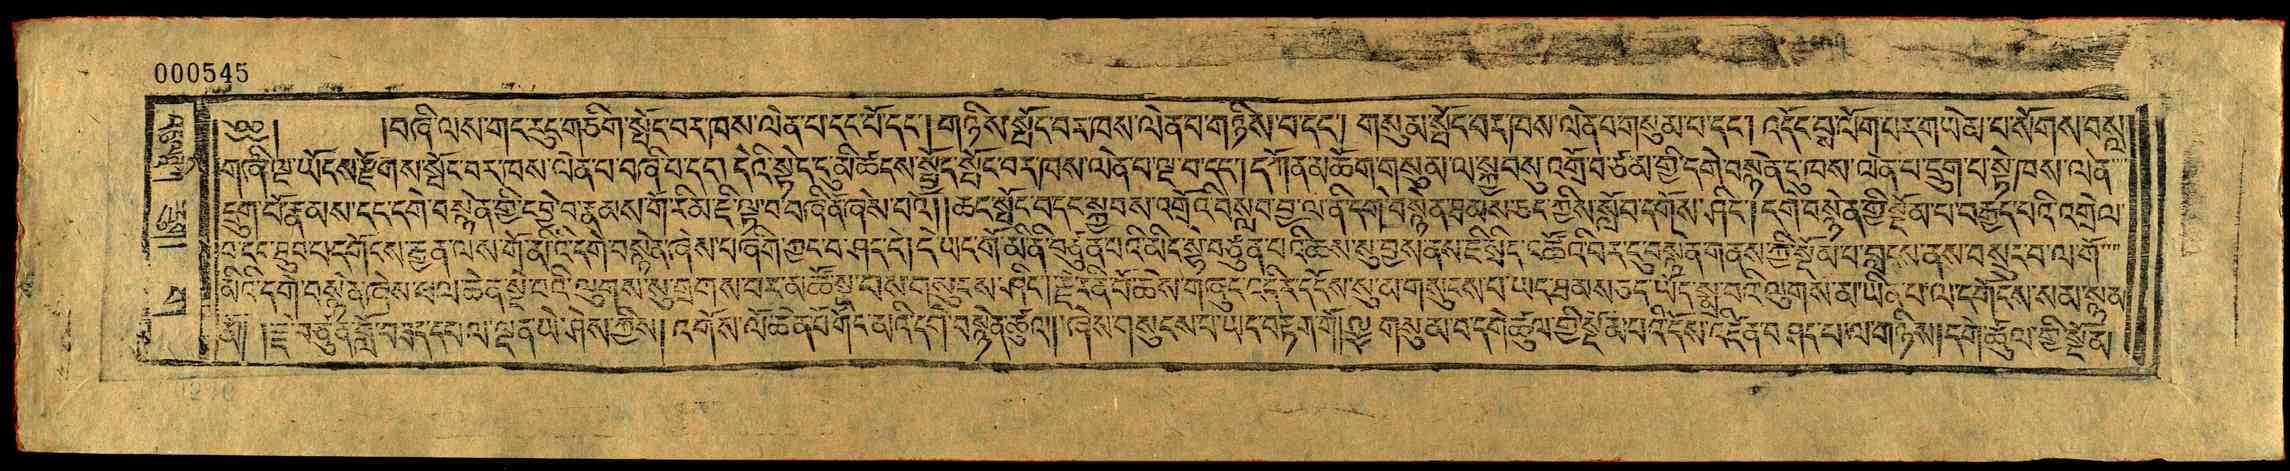༄༅། །བཞི་ལས་གང་རུང་གཅིག་སྤོང་བར་ཁས་ལེན་པ་དང་པོ་དང་། གཉིས་སྤོང་བར་ཁས་ལེན་པ་གཉིས་པ་དང་། གསུམ་སྤོང་བར་ཁས་ལེན་པ་གསུམ་པ་དང་། འདོད་པས་ལོག་པར་གཡེམ་པ་སོགས་བསླབ་
གཞི་ལྔ་ཡོངས་རྫོགས་སྤོང་བར་ཁས་ལེན་པ་བཞི་པ་དང་། དེའི་སྟེང་དུ་མི་ཚངས་སྤྱོད་སྤོང་བར་ཁས་ལེན་པ་ལྔ་པ་དང་། དཀོན་མཆོག་གསུམ་ལ་སྐྱབས་སུ་འགྲོ་བ་ཙམ་གྱི་དགེ་བསྙེན་དུ་ཁས་ལེན་པ་དྲུག་པ་སྟེ་ཁས་ལེན་
དྲུག་པོ་རྣམས་དང་དགེ་བསྙེན་གྱི་དབྱེ་བ་རྣམས་གོ་རིམ་ཇི་ལྟ་བ་བཞིན་ཞེས་པའོ། །ཆང་སྤོང་བ་དང་སྐྱབས་འགྲོའི་བསླབ་བྱ་ལ་ནི་དགེ་བསྙེན་ཐམས་ཅད་ཀྱིས་སློབ་དགོས་ཤིང་། དགེ་བསྙེན་གྱི་སྡོམ་པ་བརྒྱད་པའི་འགྲེལ་
པ་དང་ཐུབ་པ་དགོངས་རྒྱན་ལས་གོ་མིའི་དགེ་བསྙེན་ཞེས་པ་ཞིག་ཀྱང་བཤད་དེ། དེ་ཡང་གོ་མི་ནི་བཙུན་པའི་མིང་སྟེ་བཙུན་པའི་ཆས་སུ་བྱས་ནས་ཇི་སྲིད་འཚོའི་བར་དུ་བསྙེན་གནས་ཀྱི་སྡོམ་པ་བླངས་ནས་བསྲུང་བ་ལ་གོ་
མིའི་དགེ་བསྙེན་ཞེས་ཕལ་ཆེན་སྡེ་པའི་ལུགས་སུ་གྲགས་པར་མཚོ་སྣ་པས་གསུངས་ཤིང་། རྗེ་རིན་པོ་ཆེས་གཞུང་འདིར་དངོས་སུ་མ་གསུངས་པ་ཡང་ཐམས་ཅད་ཡོད་སྨྲ་བའི་ལུགས་མ་ཡིན་པ་ལ་དགོངས་སམ་སྙམ་
མོ། །རྗེ་བཙུན་བློ་བཟང་དཔལ་ལྡན་ཡེ་ཤེས་ཀྱིས། འགོས་ལོ་ཆེན་པོ་གོང་མའི་དགེ་བསྙེན་ཚུལ། ཞེས་གསུངས་པ་ཡང་བརྟག་གོ ། ༈ །གསུམ་པ་དགེ་ཚུལ་གྱི་སྡོམ་པའི་ངོས་འཛིན་བཤད་པ་ལ་གཉིས། དགེ་ཚུལ་གྱི་སྡོམ་